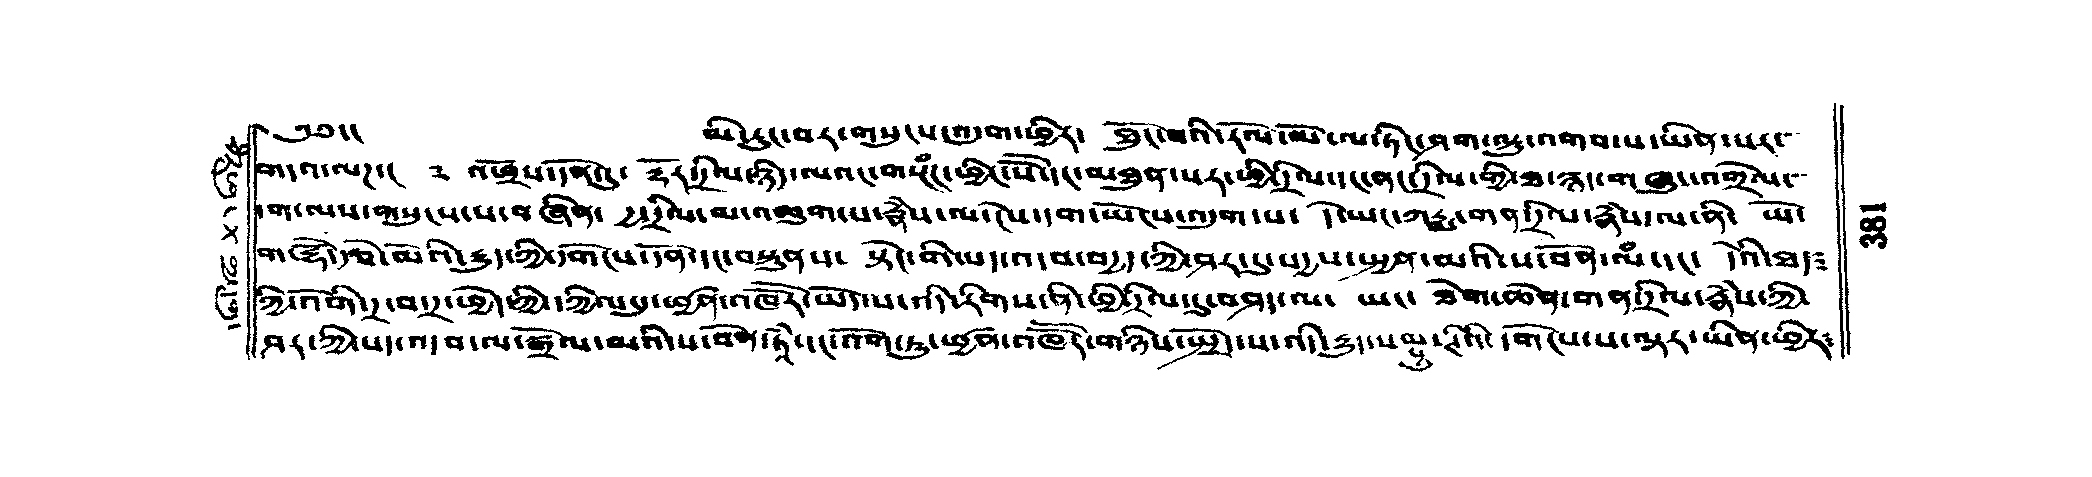མིཔརུངཔབརཔགསུངསཔ་པའདུགཔཕྱིར། ཐུནཔམོངཔབའིཔརོལཔམོཔལཔཏིངཔཤགཔལྟཔབུཔའགབཔ་པཡིན་པར་
གདའཔལགས། འཕྲོསཔདོནཔདུཔརྡོརཔདྲིལཔཉིདཔལའངཔགསངཔསྔགསཔཕྱིཔནངཔསོཔསོཔདངཔམཐུནཔ་རཔཕྱིཔདྲིལཔདངཔནངཔདྲིལཔགྱིཔཐཔསྙདཔགཞུངཔའགྲེལ་
དགཔལསཔགསུངསཔ་པབཞིན། རྒྱཔདྲིལཔམཔའཆུགཔ་པརྣམསཔལཔངེསཔདགཔཡོངཔའདུགཔ་།དེཔཡངཔཀརྨཔགྷནཔདྲིལཔརྣམསཔལཔནི། ཡོ་
གཔརྡོཔརྗེཔརྩེཔམོའིཔརྒྱུདཔཀྱིཔདགོངསཔདོནཔདངཔབསྟུནཔ་། སྟེངཔགིཔ་དཔའདབཔབརྒྱདཔཀྱིཔཤརཔདུཔསངསཔརྒྱསཔསྤྱནཔམའིཔསཔབོནཔལམཔདངཔ། དེའིཔཐད་
ཀྱིཔའོགཔགིཔ པབཔ པཕྱེདཔཀྱིཔདཀྱིལཔདུཔཕྱགཔམཚནཔའཁོརཔལོཔཡོདཔ་པའདིཔརིགསཔནིཔཕྱིཔདྲིལཔདུཔབཤདཔལ། ཡངཔཐེགཔཆེནཔགྷནཔདྲིལཔརྣམ་ཀངི་
ཤརཔགྱིཔ་དཔའདབཔལཔསྒྲོལཔམའིཔསཔབོནཔཏཱྃཔདངཔའོགཔཏཔཕྱགཔམཚནཔའཁོརཔལོཔགཉིསཔསྤྲོདཔ་པའདིཔརྒྱུདཔསམྦུཔཊིའིཔདགོངསཔ་པལྟརཔཡིནཔཕྱིརཔ